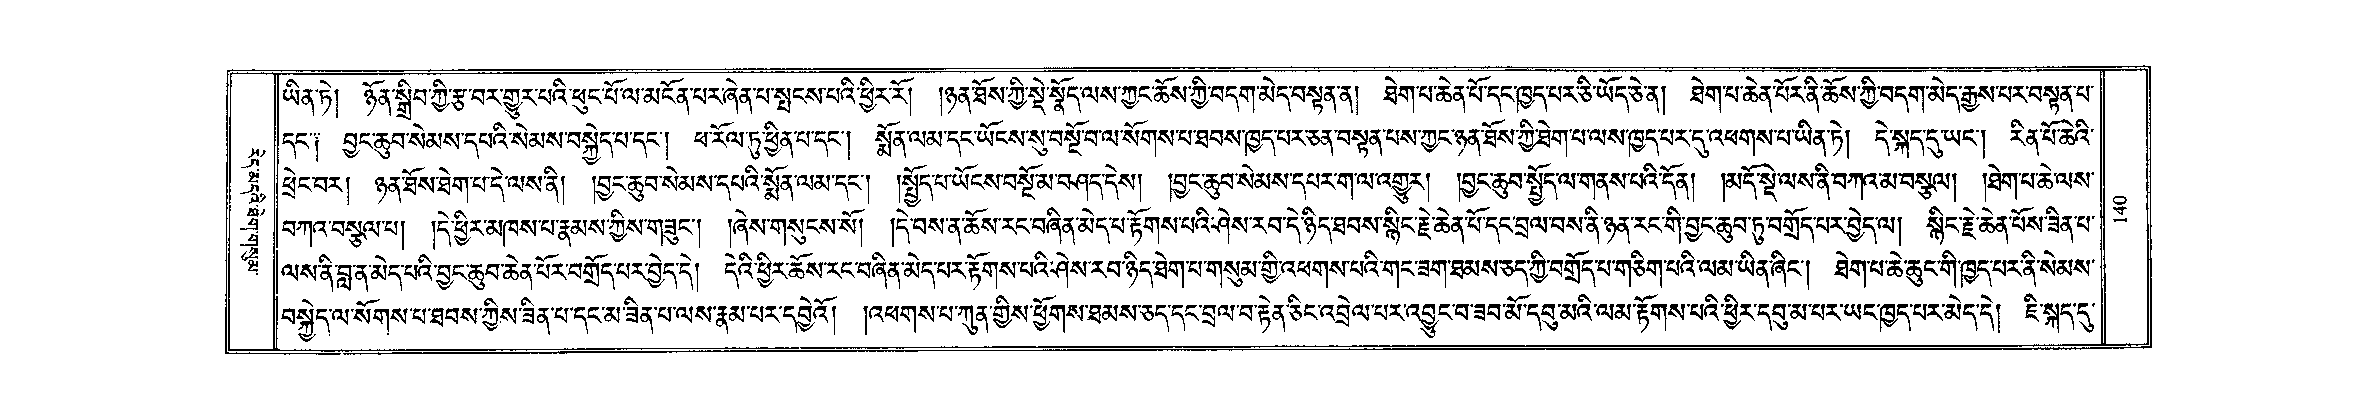ཡིན་ཏེ། ཉོན་སྒྲིབ་ཀྱི་རྩ་བར་གྱུར་པའི་ཕུང་པོ་ལ་མངོན་པར་ཞེན་པ་སྤངས་པའི་ཕྱིར་རོ། །ཉན་ཐོས་ཀྱི་སྡེ་སྣོད་ལས་ཀྱང་ཆོས་ཀྱི་བདག་མེད་བསྟན་ན། ཐེག་པ་ཆེན་པོ་དང་ཁྱད་པར་ཅི་ཡོད་ཅེ་ན། ཐེག་པ་ཆེན་པོར་ནི་ཆོས་ཀྱི་བདག་མེད་རྒྱས་པར་བསྟན་པ་
དང༑ བྱང་ཆུབ་སེམས་དཔའི་སེམས་བསྐྱེད་པ་དང་། ཕ་རོལ་ཏུ་ཕྱིན་པ་དང་། སྨོན་ལམ་དང་ཡོངས་སུ་བསྔོ་བ་ལ་སོགས་པ་ཐབས་ཁྱད་པར་ཅན་བསྟན་པས་ཀྱང་ཉན་ཐོས་ཀྱི་ཐེག་པ་ལས་ཁྱད་པར་དུ་འཕགས་པ་ཡིན་ཏེ། དེ་སྐད་དུ་ཡང་། རིན་པོ་ཆེའི་
ཕྲེང་བར། ཉན་ཐོས་ཐེག་པ་དེ་ལས་ནི། །བྱང་ཆུབ་སེམས་དཔའི་སྨོན་ལམ་དང་། །སྤྱོད་པ་ཡོངས་བསྔོ་མ་བཤད་དེས། །བྱང་ཆུབ་སེམས་དཔར་ག་ལ་འགྱུར། །བྱང་ཆུབ་སྤྱོད་ལ་གནས་པའི་དོན། །མདོ་སྡེ་ལས་ནི་བཀའ་མ་བསྩལ། །ཐེག་པ་ཆེ་ལས་
བཀའ་བསྩལ་པ། །དེ་ཕྱིར་མཁས་པ་རྣམས་ཀྱིས་གཟུང་། །ཞེས་གསུངས་སོ། །དེ་བས་ན་ཆོས་རང་བཞིན་མེད་པ་རྟོགས་པའི་ཤེས་རབ་དེ་ཉིད་ཐབས་སྙིང་རྗེ་ཆེན་པོ་དང་བྲལ་བས་ནི་ཉན་རང་གི་བྱང་ཆུབ་ཏུ་བགྲོད་པར་བྱེད་ལ། སྙིང་རྗེ་ཆེན་པོས་ཟིན་པ་
ལས་ནི་བླ་ན་མེད་པའི་བྱང་ཆུབ་ཆེན་པོར་བགྲོད་པར་བྱེད་དེ། དེའི་ཕྱིར་ཆོས་རང་བཞིན་མེད་པར་རྟོགས་པའི་ཤེས་རབ་ཉིད་ཐེག་པ་གསུམ་གྱི་འཕགས་པའི་གང་ཟག་ཐམས་ཅད་ཀྱི་བགྲོད་པ་གཅིག་པའི་ལམ་ཡིན་ཞིང་། ཐེག་པ་ཆེ་ཆུང་གི་ཁྱད་པར་ནི་སེམས་
བསྐྱེད་ལ་སོགས་པ་ཐབས་ཀྱིས་ཟིན་པ་དང་མ་ཟིན་པ་ལས་རྣམ་པར་དབྱེའོ། །འཕགས་པ་ཀུན་གྱིས་ཕྱོགས་ཐམས་ཅད་དང་བྲལ་བ་རྟེན་ཅིང་འབྲེལ་པར་འབྱུང་བ་ཟབ་མོ་དབུ་མའི་ལམ་རྟོགས་པའི་ཕྱིར་དབུ་མ་པར་ཡང་ཁྱད་པར་མེད་དེ། ཇི་སྐད་དུ་